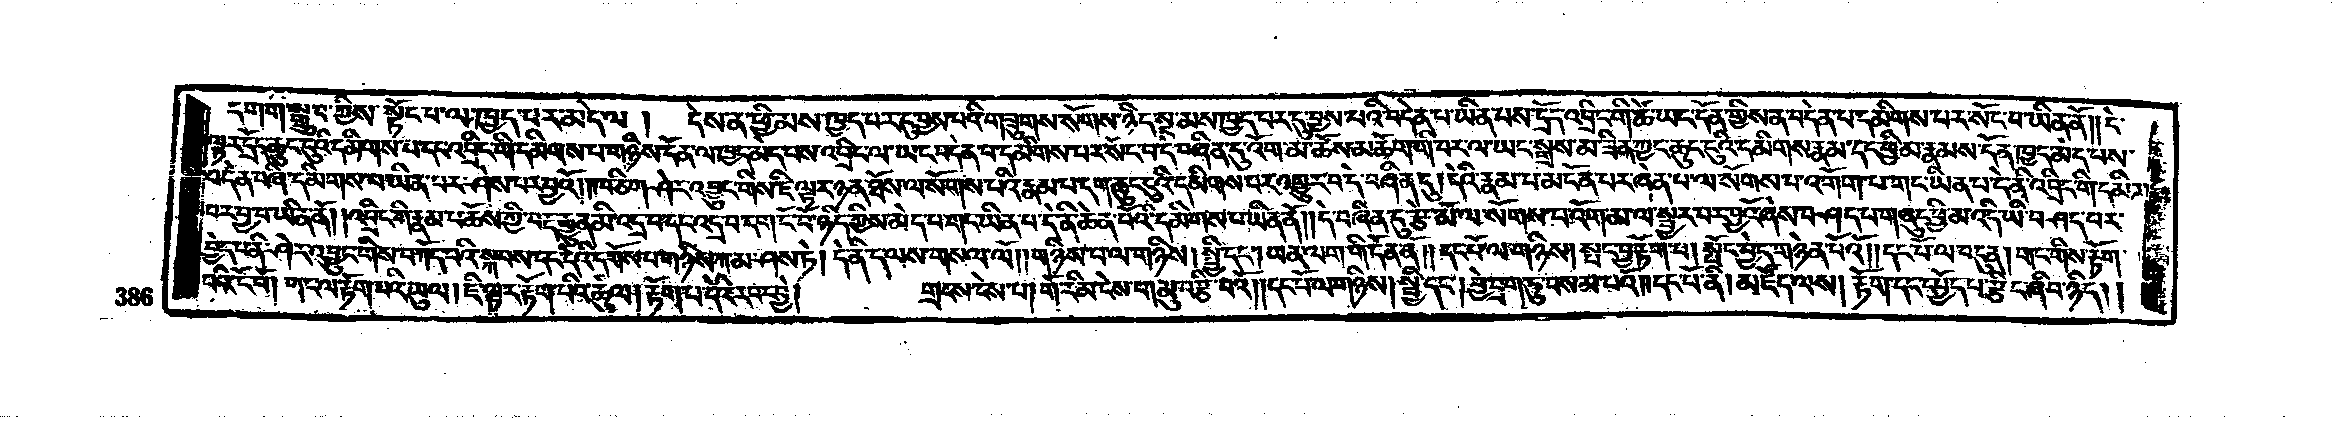དགག་སྒྲུབ་ཀྱིས་སྟོང་པ་ལ་ཁྱད་པར་མེད་ལ། དེས་ན་ཕྱི་མས་ཁྱད་པར་དུ་བྱས་པའི་གཟུགས་སོགས་ཉིད་སྔ་མས་ཁྱད་པར་དུ་བྱས་པའི་བདེན་པ་ཡིན་པས་དྲོད་འབྲིང་གི་ཚེ་ཡང་དོན་གྱིས་ན་བདེན་པ་དམིགས་པར་སོང་བ་ཡིན་ནོ། །དེ་
ལྟར་དྲོད་ཆུང་ངུའི་དམིགས་པ་དང་འབྲིང་གི་དམིགས་པ་གཉིས་དོན་ལ་ཁྱད་མེད་པས་འབྲིང་ལ་ཡང་བདེན་པ་དམིགས་པར་སོང་བ་དེ་བཞིན་དུ་འོག་མ་ཆོས་མཆོག་གི་བར་ལ་ཡང་སྒྲས་མ་ཟིན་ཀྱང་ཆུང་ངུའི་དམིགས་རྣམ་དང་ཕྱི་མ་རྣམས་དོན་ཁྱད་མེད་པས་
བདེན་བཞི་དམིགས་པ་ཡིན་པར་ཤེས་པར་བྱའོ། །ཁ་ཅིག་ཤེར་འབྱུང་གིས་ཇི་ལྟར་ཉན་ཐོས་ལ་སོགས་པའི་རྣམ་པ་དག་ཆུང་ངུའི་དམིགས་པར་འགྱུར་བ་དེ་བཞིན་དུ། དེའི་རྣམ་པ་མངོན་པར་ཞེན་པ་ལ་སོགས་པ་འགོག་པ་གང་ཡིན་པ་དེ་ནི་འབྲིང་གི་དམིགས་
པར་བྱ་བ་ཡིན་ནོ། །འབྲིང་གི་རྣམ་པ་ཆོས་ཀྱི་བརྡ་རྒྱུན་མི་འདྲ་བ་དང་འདྲ་བ་དག་ངོ་བོ་ཉིད་ཀྱིས་མེད་པ་གང་ཡིན་པ་དེ་ནི་ཆེན་པོའི་དམིགས་པ་ཡིན་ནོ། །དེ་བཞིན་དུ་རྩེ་མོ་ལ་སོགས་པ་འོག་མ་ལ་སྦྱར་བར་བྱའོ་ཞེས་བཤད་པ་གཞུང་ཕྱི་མ་འདི་ཡི་བཤད་པར་
བྱེད་པ་ནི་ཤེར་འབྱུང་གིས་བཀོད་པའི་སྐབས་དང་དེའི་དགོས་པ་གཉིས་ཀ་མ་ཤས་ཏེ། དེ་ནི་དེ་ལས་གསལ་ལོ། །གཉིས་པ་ལ་གཉིས། སྤྱི་དང་། ཡན་ལག་གི་དོན་ནོ། །དང་པོ་ལ་གཉིས། སྤང་བྱ་རྟོག་པ། སྤོང་བྱེད་གཉེན་པོའོ། །དང་པོ་ལ་བདུན། གང་གིས་རྟོག་
པའི་ངོ་བོ། གང་ལ་རྟོག་པའི་ཡུལ། ཇི་ལྟར་རྟོག་པའི་ཚུལ། རྟོག་པ་དེའི་རབ་དབྱེ། གྲངས་ངེས་པ། གོ་རིམ་ངེས་པ། མུ་བརྩི་བའོ། །དང་པོ་ལ་གཉིས། སྤྱི་དང་། བྱེ་བྲག་ཏུ་བསམ་པའོ། །དང་པོ་ནི། མཛོད་ལས། རྟོག་དང་དཔྱོད་པ་རྩིང་ཞིབ་ཉིད། །